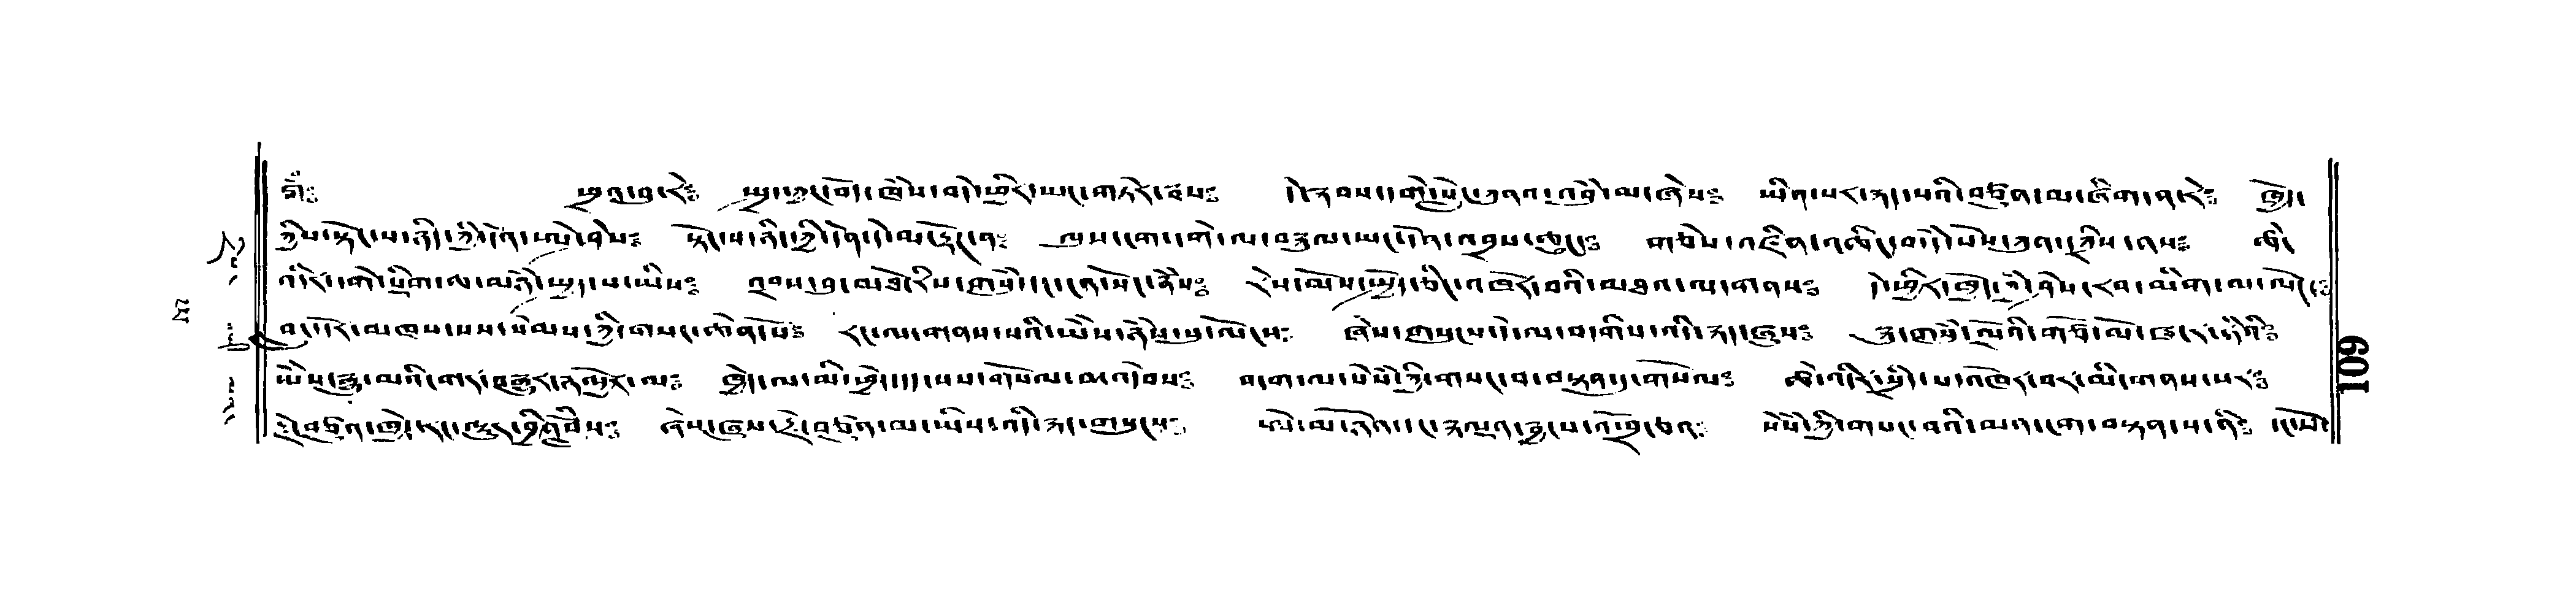ཕྲན་བུ་རེ༔ སྤྲད་ཀྱང་བོད་ཁམས་བདེ་ཕྱིར་ཡང་གཏེར་སྦས༔ དེ་སྐབས་དགེ་སློང་ཀུན་དགའ་འབུམ་མ་ཞེས༔ ཡིན་པར་སྐད་པའི་བཙུན་མ་ཞིག་ན་རེ༔ ཁྱོད་
ཀྱིས་སྟོང་པ་ཉིད་ཀྱི་དོན་ཨེ་ཤེས༔ སྟོང་པ་ཉིད་ཀྱི་དོན་དེ་མ་རྟོགས་ན༔ ལུས་ངག་དགེ་ལ་བསྐུལ་ཡང་དོན་འབྲས་ཆུང༔ གཅེས་འཛིན་འཆིང་བ་དམ་པོས་ཀུན་དཀྲིས་ནས༔ ཚེ་
འདིར་དགེ་སྡིག་ཆ་མཉམ་སྤྱད་པ་ཡིས༔ འབྲས་བུ་མཐོ་རིས་གསུམ་དང་ངན་སོང་རྣམས༔ རེས་མོས་སྤྱོད་ཅིང་འཁོར་བའི་མཐའ་ལ་གནས༔ དེ་ཕྱིར་ཁྱོད་ཀྱི་ཤེས་རབ་མིག་མ་ལོང༔ 
བླང་དོར་མཁས་པས་སེམས་ཀྱི་གསང་ཆེན་པོ༔ རང་ལ་གནས་པའི་ཡེ་ཤེས་ཉམས་སུ་ལོངས༔ ཞེས་གསུངས་དེ་ལ་བདག་གིས་འདི་སྐད་ཞུས༔ སྐུ་གསུམ་མཁའ་འགྲོའི་གཙོ་མོ་ཝ་ར་ཧིའི༔ 
ཡེ་ཤེས་སྒྱུ་མའི་གར་བསྒྱུར་རྣལ་འབྱོར་མ༔ ཁྱེད་ལ་མི་ཕྱེད་དད་པས་གསོལ་བ་འདེབས༔ བདག་ལ་སེམས་ཀྱི་གསང་བ་བསྟན་དུ་གསོལ༔ ཚེ་འདིར་སྲིད་པ་འཁོར་བར་མི་གནས་པར༔ 
རྗེ་བཙུན་ཁྱེད་རང་ལྟ་བུར་བྱིན་གྱིས་རློབས༔ཞེས་ཞུགས་རྗེ་བཙུན་མ་ཡིས་འདི་སྐད་གསུངས༔ ཨེ་མ་ཉོན་དང་སྐལ་ལྡན་སྦྱངས་འཕྲོ་ཅན༔ སེམས་ཀྱི་གསང་བའི་མན་ངག་བསྟན་པ་ནི༔ དང་པོ་